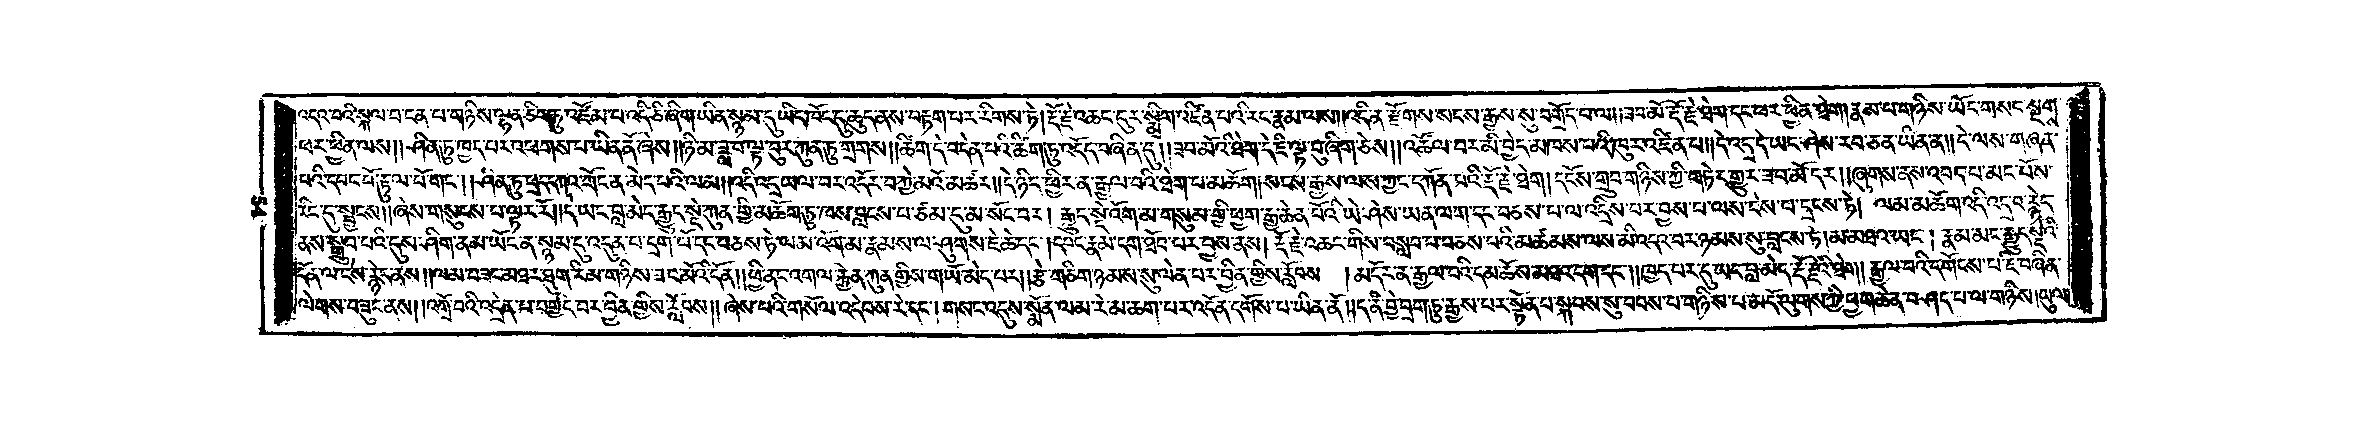འདའ་བའི་སྐལ་བ་ངན་པ་གཉིས་ལྷན་ཅིག་ཏུ་འཛོམ་པ་འདི་ཅི་ཞིག་ཡིན་སྙམ་དུ་ཡིད་ཁོང་དུ་ཆུད་ནས་བརྟག་པར་རིགས་ཏེ། རྡོ་རྗེ་འཆང་ངུར་སྨྲིག་འཛིན་པའི་རང་རྣམ་ལས། །འདི་ན་རྫོགས་སངས་རྒྱས་སུ་བགྲོད་པ་ལ། །ཟབ་མོ་རྡོ་རྗེ་ཐེག་དང་ཕར་ཕྱིན་ཐེག །རྣམ་པ་གཉིས་ཡོད་གསང་སྔགས་
ཕར་ཕྱིན་ལས། །ཤིན་ཏུ་ཁྱད་པར་འཕགས་པ་ཡིན་ནོ་ཞེས། །ཉི་མ་ཟླ་བ་ལྟ་བུར་ཀུན་ཏུ་གྲགས། །ཚིག་དེ་བདེན་པའི་ཚིག་ཏུ་འདོད་བཞིན་དུ། །ཟབ་མོའི་ཐེག་དེ་ཇི་ལྟ་བུ་ཞིག་ཅེས། །འཚོལ་བར་མི་བྱེད་མཁས་པའི་ཁུར་འཛིན་པ། །དེ་འདྲ་དེ་ཡང་ཤེས་རབ་ཅན་ཡིན་ན། །དེ་ལས་གཞན་
པའི་དབང་པོ་རྟུལ་པོ་གང་། །ཤིན་ཏུ་ཕྲད་དཀའ་གོང་ན་མེད་པའི་ལམ། །འདི་འདྲ་ཡལ་བར་འདོར་བ་ཀྱེ་མའོ་མཚར། །དེ་ཉིད་ཕྱིར་ན་རྒྱལ་བའི་ཐེག་པ་མཆོག །སངས་རྒྱས་ལས་ཀྱང་དཀོན་པའི་རྡོ་རྗེ་ཐེག །དངོས་གྲུབ་གཉིས་ཀྱི་གཏེར་གྱུར་ཟབ་མོ་དར། །ཞུགས་ནས་འབད་པ་མང་པོས་
རིང་དུ་སྦྱངས། །ཞེས་གསུངས་པ་ལྟར་རོ། །དེ་ཡང་བླ་མེད་རྒྱུད་སྡེ་ཀུན་གྱི་མཆོག་ཏུ་ཁས་བླངས་པ་ཙམ་དུ་མ་སོང་བར། རྒྱུད་སྡེ་འོག་མ་གསུམ་གྱི་ཕྱག་རྒྱ་ཆེན་པོའི་ཡེ་ཤེས་ཡན་ལག་དང་བཅས་པ་ལ་འདྲིས་པར་བྱས་པ་ལས་ངེས་པ་དྲངས་ཏེ། ལམ་མཆོག་འདི་འདྲ་བ་རྙེད་
ནས་སྒྲུབ་པའི་དུས་ཤིག་ནམ་ཡོང་ན་སྙམ་དུ་འདུན་པ་དྲག་པོ་དང་བཅས་ཏེ་ལམ་འོག་མ་རྣམས་ལ་ཤུགས་ཇེ་ཆེ་དང་། དབང་རྣམ་དག་ཐོབ་པར་བྱས་ནས། རྡོ་རྗེ་འཆང་གིས་བསླབ་པ་བཅས་པའི་མཚམས་ལས་མི་འདའ་བར་ཉམས་སུ་བླངས་ཏེ། མ་མཐའ་ཡང་། རྣམ་མང་རྒྱུད་སྡེའི་
དོན་ལ་ངེས་རྙེད་ནས། །ལམ་བཟང་མཐར་ཐུག་རིམ་གཉིས་ཟབ་མོའི་དོན། །ཕྱི་ནང་འགལ་རྐྱེན་ཀུན་གྱིས་གཡོ་མེད་པར། །རྩེ་གཅིག་ཉམས་སུ་ལེན་པར་བྱིན་གྱིས་རློབས། མདོར་ན་རྒྱལ་བའི་དམ་ཆོས་མཐའ་དག་དང་། །ཁྱད་པར་དུ་ཡང་བླ་མེད་རྡོ་རྗེའི་ཐེག །རྒྱལ་བའི་དགོངས་པ་ཇི་བཞིན་
ལེགས་བཟུང་ནས། །འགྲོ་བའི་འདྲེན་པ་བགྱིད་བར་བྱིན་གྱིས་རློབས། །ཞེས་པའི་གསོལ་འདེབས་རེ་དང་། གསང་འདུས་སྨོན་ལམ་རེ་མ་ཆག་པར་འདོན་དགོས་པ་ཡིན་ནོ། །ད་ནི་བྱེ་བྲག་ཏུ་རྒྱས་པར་སྟོན་པ་སྐབས་སུ་བབས་པ་གཉིས་པ་མདོ་ལུགས་ཀྱི་ཕྱག་ཆེན་བཤད་པ་ལ་གཉིས། །ཡུལ་